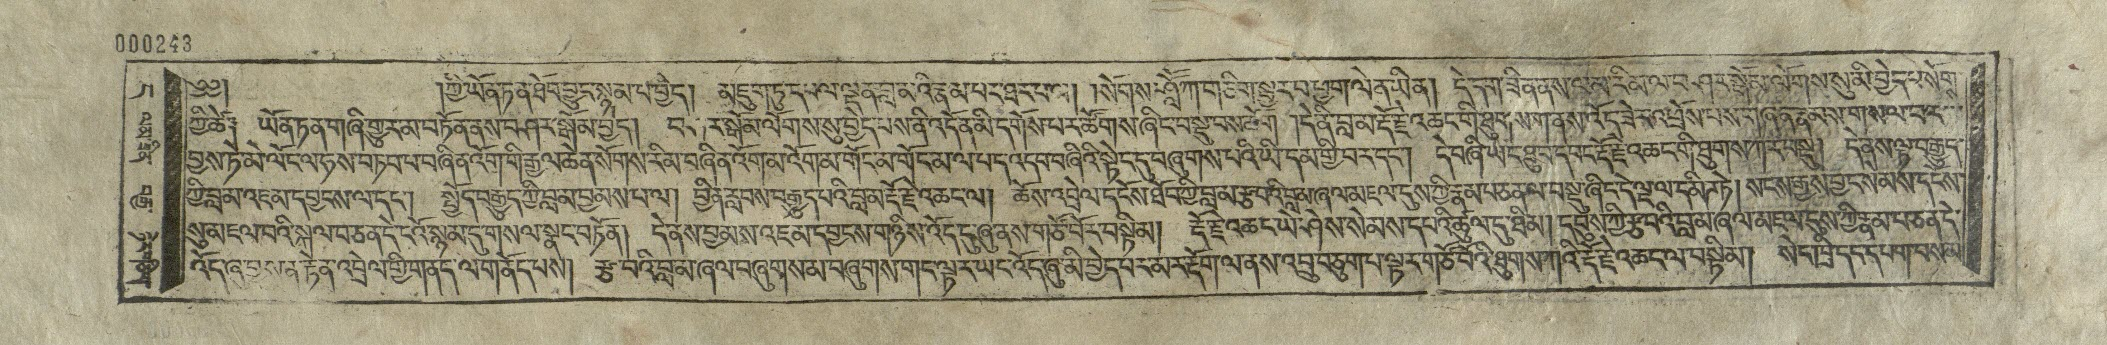༄༅། །ཀྱི་ཡོན་ཏན་ཐོབ་བྱུང་སྙམ་པ་བྱེད། མཇུག་ཏུ་དཔལ་ལྡན་བླ་མའི་རྣམ་པར་ཐར་པ་ལ། །སོགས་ཤླཽ་ཀ་གཅིག་སྦྱར་བ་ཕྱག་ལེན་ཡིན། དེ་དག་ཟིན་ནས་ལམ་རིམ་ལ་བཤར་སྒོམ་ལོགས་སུ་མི་བྱེད་པ་སོགས་
ཀྱི་ཚེ༑ ཡོན་ཏན་གཞི་གྱུར་མ་བཏོན་ནས་བཤར་སྒོམ་བྱེད། བཤར་སྒོམ་ལོགས་སུ་བྱེད་པས་ནི་འདོན་མི་དགོས་པར་ཚོགས་ཞིང་བསྡུ་བས་ཆོག །དེ་ནི་བླ་མ་རྡོ་རྗེ་འཆང་གི་ཐུགས་ཀ་ནས་འོད་ཟེར་འཕྲོས་པས་གཞན་རྣམས་གསལ་བར་
བྱས་ཏེ་མེ་ལོང་ལ་ཧས་བཏབ་པ་བཞིན་འོག་གི་རྒྱལ་ཆེན་སོགས་རིམ་བཞིན་འོག་མ་འོག་མ་གོང་མ་གོང་མ་ལ་པད་འདབ་བཞིའི་སྟེང་དུ་བཞུགས་པའི་ཡི་དམ་གྱི་བར་དང་། དེ་བཞི་ཡང་ཐུབ་དབང་རྡོ་རྗེ་འཆང་གི་ཐུགས་ཀར་བསྡུ། དེ་ནས་ལྟ་བརྒྱུད་
ཀྱི་བླ་མ་འཇམ་དབྱངས་ལ་དང་། སྤྱོད་བརྒྱུད་ཀྱི་བླ་མ་བྱམས་པ་ལ། བྱིན་རླབས་བརྒྱུད་པའི་བླ་མ་རྡོ་རྗེ་འཆང་ལ། ཆོས་འབྲེལ་དངོས་ཐོབ་ཀྱི་བླ་མ་རྩ་བའི་བླ་མ་ཞལ་མཇལ་དུས་ཀྱི་རྣམ་པ་ཅན་ལ་བསྡུ་ཞིང་དེ་ལྔ་ལ་དམིགས་ཏེ། སངས་རྒྱས་བྱང་སེམས་དངོས་
སུ་མཇལ་བའི་སྐལ་བ་ཅན་དེ་ངའོ་སྙམ་དུ་གསལ་སྣང་བཏོན། དེ་ནས་བྱམས་འཇམ་དབྱངས་གཉིས་འོད་དུ་ཞུ་ནས་གཙོ་བོར་བསྟིམ། རྡོ་རྗེ་འཆང་ཡེ་ཤེས་སེམས་དཔའི་ཚུལ་དུ་ཐིམ། དབུས་ཀྱི་རྩ་བའི་བླ་མ་ཞལ་མཇལ་དུས་ཀྱི་རྣམ་པ་ཅན་དེ་
འོད་ཞུ་བྱས་ན་རྟེན་འབྲེལ་གྱི་གནད་ལ་གནོད་པས། རྩ་བའི་བླ་མ་ཞལ་བཞུགས་མ་བཞུགས་གང་ལྟར་ཡང་འོད་ཞུ་མི་བྱེད་པར་མར་རྡོག་ལ་ནས་འབྲུ་བཅུག་པ་ལྟར་གཙོ་བོའི་ཐུགས་ཀའི་རྡོ་རྗེ་འཆང་ལ་བསྟིམ། སེང་ཁྲི་དང་དཔག་བསམ་